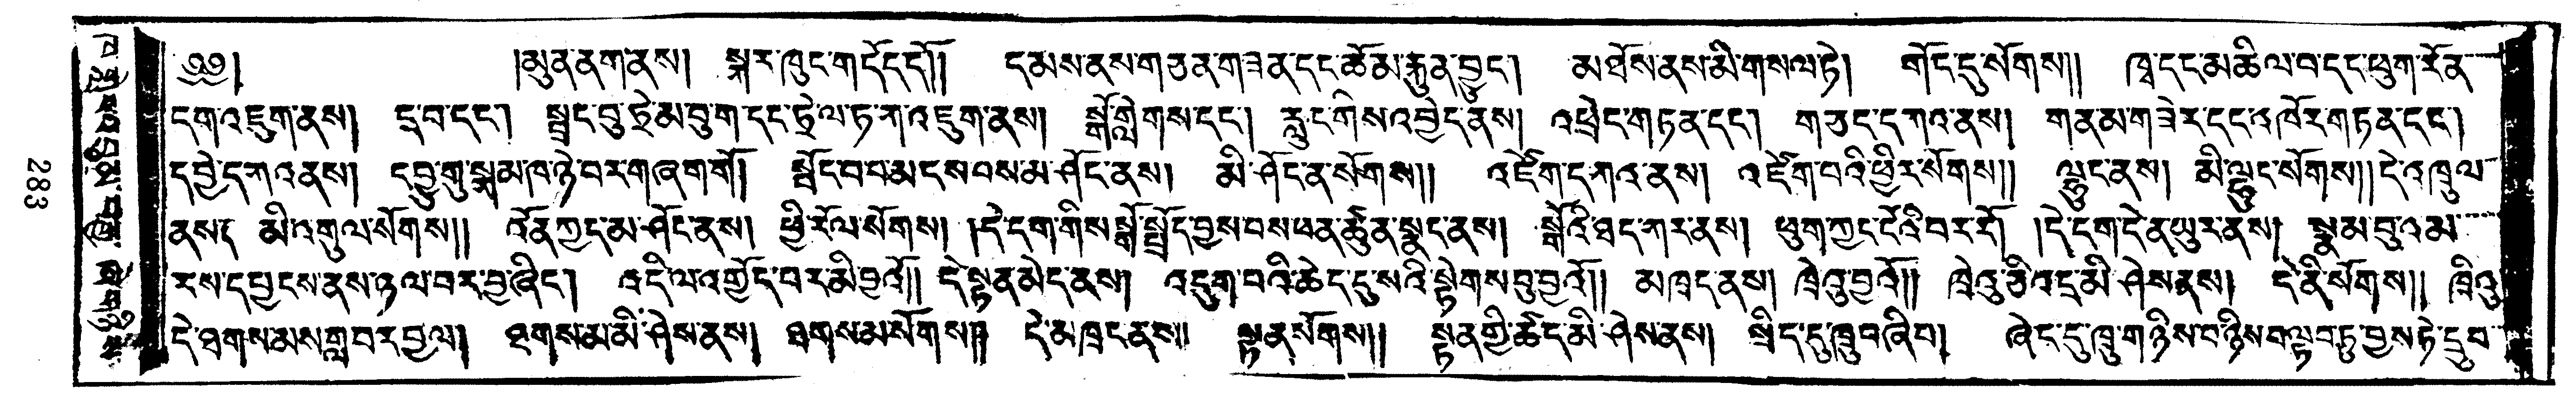༄༅། །མུན་ནག་ནས། སྐར་ཁུང་གདོད་དོ།། དམས་ནས་གཅན་གཟན་དང་ཆོམ་རྐུན་བྱུང་། མཐོས་ནས་མི་གསལ་ཏེ། གོང་དུ་སོགས།། ཁྭ་དང་མཆིལ་བ་དང་ཕུག་རོན་
དག་འཇུག་ནས། དྲ་བ་དང་། སྦྲང་བུ་ཏྲེ་མ་བུ་ག་དང་ཏྲེ་ལ་ཏ་ཀ་འཇུག་ནས། སྒོ་གླེགས་དང་། རླུང་གིས་འབྱེད་ནས། འཕྲེང་གཏན་དང་། གཅང་དཀའ་ནས། གནམ་གཟེར་དང་འཁོར་གཏན་དང་།
དབྱེ་དཀའ་ནས། དབྱུ་གུ་སྐམས་ཁ་ཉེ་བར་གཞག་གོ། སྤོང་བ་མངས་པས་མ་ཤོང་ནས། མི་ཤོང་ན་སོགས།། འཛེག་དཀའ་ནས། འཛེག་པའི་ཕྱིར་སོགས།། ལྷུང་ནས། མི་ལྷུང་སོགས། །དེ་འཁྲུལ་
ནས༑ མི་འགུལ་སོགས།། འོན་ཀྱང་མ་ཤོང་ནས། ཕྱི་རོལ་སོགས། །དེ་དག་གིས་སྒོ་སྤྲོད་བྱས་པས་ཕན་ཚུན་སྣང་ནས། སྒོའི་ཐད་ཀར་ནས། ཕུག་ཀྱང་ངོའི་བར་རོ། །དེ་དག་དེ་ན་ཡུར་ནས། སྣམ་བུའམ་
རས་དབྱངས་ནས་ཉལ་བར་བྱ་ཞིང་། འདི་ལ་འགྱོད་པར་མི་བྱའོ། །དེ་སྟན་མེད་ནས། འདུག་པའི་ཆེད་དུ་སའི་སྟེགས་བུ་བྱའོ། །མཁྲད་ནས། ཁྲེའུ་བྱའོ། །ཁྲེའུ་ཅི་འདྲ་མི་ཤེས་ནས། དེ་ནི་སོགས།། ཁྲིའུ་
དེ་ཐགས་མས་གླ་བར་བྱ་ལ། ཐགས་མ་མི་ཤེས་ནས། ཐགས་མ་སོགས།། དེ་མཁྲང་ནས། སྟན་སོགས།། སྟན་གྱི་ཚད་མི་ཤེས་ནས། སྲིད་དུ་ཁྲུབ་བཞིབ། ཞེང་དུ་ཁྲུ་གཉིས་བ་ཉིས་བལྟབ་ཏུ་བྱས་ཏེ་དྲུབ་